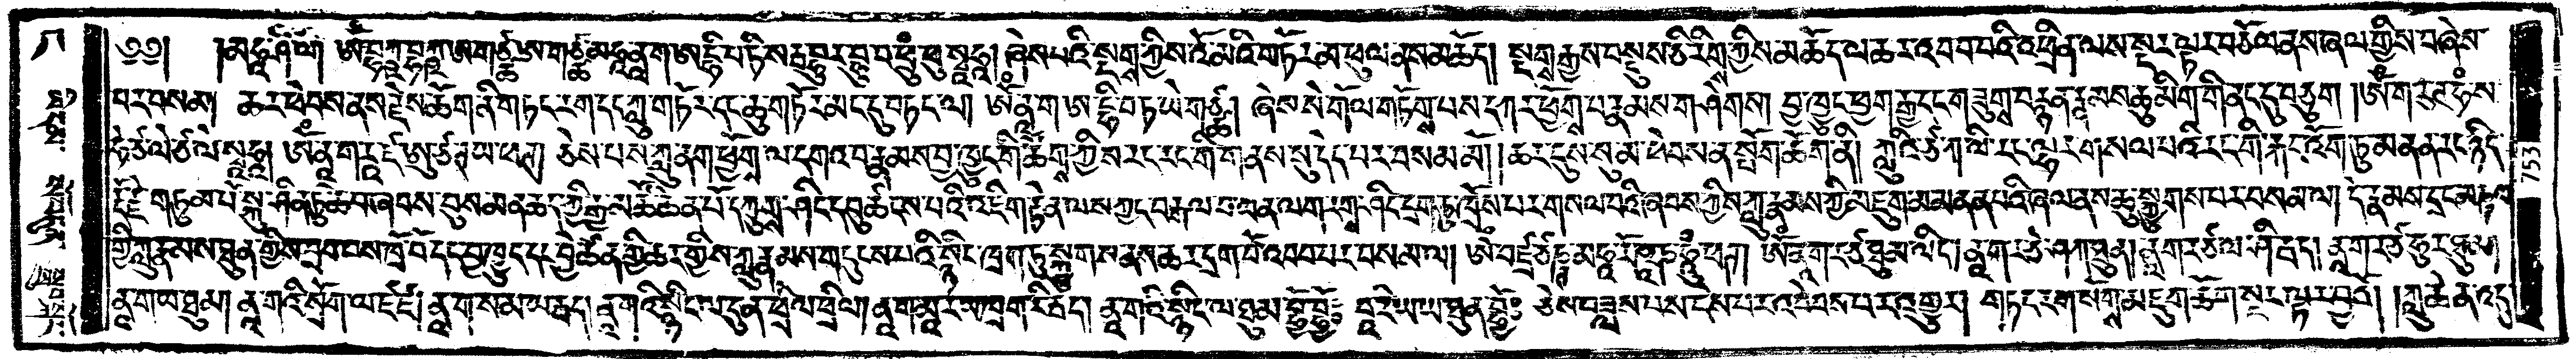༄༅། །མཧཱ་ཤི་ལོ། ཨོཾ་བྷཀྵ་བྷ་ཀསཿཨ་ཡ་གཙཚ་ཨ་གཙྪ་མཧཱ་ནཱ་ག་ཨ་དྷི་པ་ཏི་སརྦ་བྷུར་བྷུ་བ་ཕྲུཾ་ཕུ་སྭཱཧཱ། ཞེས་པའི་སྔགས་ཀྱིས་འོ་མའི་གཏོར་མ་ཕུལ་ནས་མཆོད། སྔགས་རྒྱས་བསྡུས་ཅི་རིགས་ཀྱིས་མཆོད་ལ་ཆར་འབབ་པའི་འཕྲིན་ལས་སྔར་ལྟར་བཅོལ་ནས་ཞལ་གྱིས་བཞེས་
པར་བསམ། ཆར་ཕེབས་ནས་རྗེས་ཆོག་ནི་གཏང་རག་དང་ཀླུ་གཏོར་མང་དུ་བཏང་ལ། ཨོཾ་ནཱ་ག་ཨ་དྷི་བ་ཏ་ཡེ་གཙྪ། ཞེས་སེ་གོལ་གཏོགས་པས་དཀར་ཕྱོགས་བ་རྣམས་གཤེགས། བྱ་ཁུང་ཕྱག་རྒྱ་དང་བཟུགས་བརྙན་རྣམས་ཆུ་མིག་གི་ནང་དུ་བཅུག། ཨོམ་ག་རུཊ་ཧཾ་ས་
ཧེ་ཙ་ལེ་ཙ་ལེ་སྭཱཧཱ། ཨོཾ་ནཱ་ག་རཱ་ཛ་ཨུ་ཙ་ཊ་ཡ་ཕཊ། ཅེས་པས་ཀླུ་ནག་ཕྱོགས་ལ་དགའ་བ་རྣམས་བྱ་ཁྱུང་གི་ཚོགས་ཀྱིས་རང་རང་གི་གནས་སུ་དེད་པར་བསམ་མོ། །ཆར་དུས་སུ་མ་ཕེབས་ན་སྤོག་ཆོག་ནི། ཀླུའི་ཙ་ཀ་ལི་རང་ལྷར་གསལ་པའི་རང་གི་རྐང་ཐོག་ཏུ་མནན་རང་ཉིད་
རྡོ་རྗེ་གཏུམ་པོ་སྐུ་ཤིན་ཏུ་ཆེ་བ་ཞབས་བུས་མན་ཆད་ཀྱི་རྒྱ་མཚོ་ཆེན་པོ་དཀྲུགས་ཤིང་དབུ་ཚངས་པའི་འཇིག་རྟེན་ལས་ཀྱང་བརྒལ་བ་ཡན་ལག་རགས་ཤིང་དྲག་ཏུ་ཁྲོས་པར་གསལ་པའི་ཞབས་ཀྱིས་ཀླུ་རྣམས་ཀྱི་མཇུག་མ་མནན་པའི་ཞལ་ནས་ཆུ་སྐྱུགས་པར་བསམ་ལ། དེ་རྣམས་དང་མཎྜལ་
གྱི་ཀླུ་རྣམས་ཐུན་གྱིས་བྲབ་པས་ཁྲོ་བོ་དང་བྱ་ཁྱུད་དང་བྱེ་ཚན་གྱི་ཆར་གྱིས་ཀླུ་རྣམས་གདུངས་པའི་སྙིང་ཁྲག་ཏུ་སྐྱུགས་ནས་ཆར་དྲག་པོ་འབབ་པར་བསམ་ལ། ཨོཾ་བཛྲ་ཙཎྚ་མཧཱ་རོ་ཥཱ་ཎ་ཧཱུཾ་ཕཊ། ཨོཾ་ནཱ་ག་ར་ཙ་ཐུམ་ལེང་། ནཱ་ག་ར་ཙེ་ཤཀ་ཐུན། ནཱ་ག་ར་ཙ་ལ་ཤི་རྦད། ནཱ་ག་ར་ཙ་ཧུར་ཐུམ།
ནཱ་གཡ་ཐུམ། ནཱ་གའི་སྲོག་ལ་ཛ་ཛ། ནཱ་ག་ས་མ་ཡ་རྦད། ནཱ་གའི་སྙིང་ལ་དུན་ཕྲིལ་ཕྲིལ། ནཱ་ག་མཱ་ར་ཡ་ཁྲག་རི་རྦད། ནཱ་གའི་སྙིང་ལ་ཐུམ་བྷྱོ་བྷྱོཿ བཱ་རེ་ཡ་ཡ་ཐུན་བྷྱོཿ ཅེས་བཟླས་ངས་ངས་པར་འབེབས་པར་འགྱུར། གཏང་རག་སོགས་མཇུག་ཆོག་སྐར་ལྟར་བྱའོ། །ཀླུ་ཆེན་འདུ་